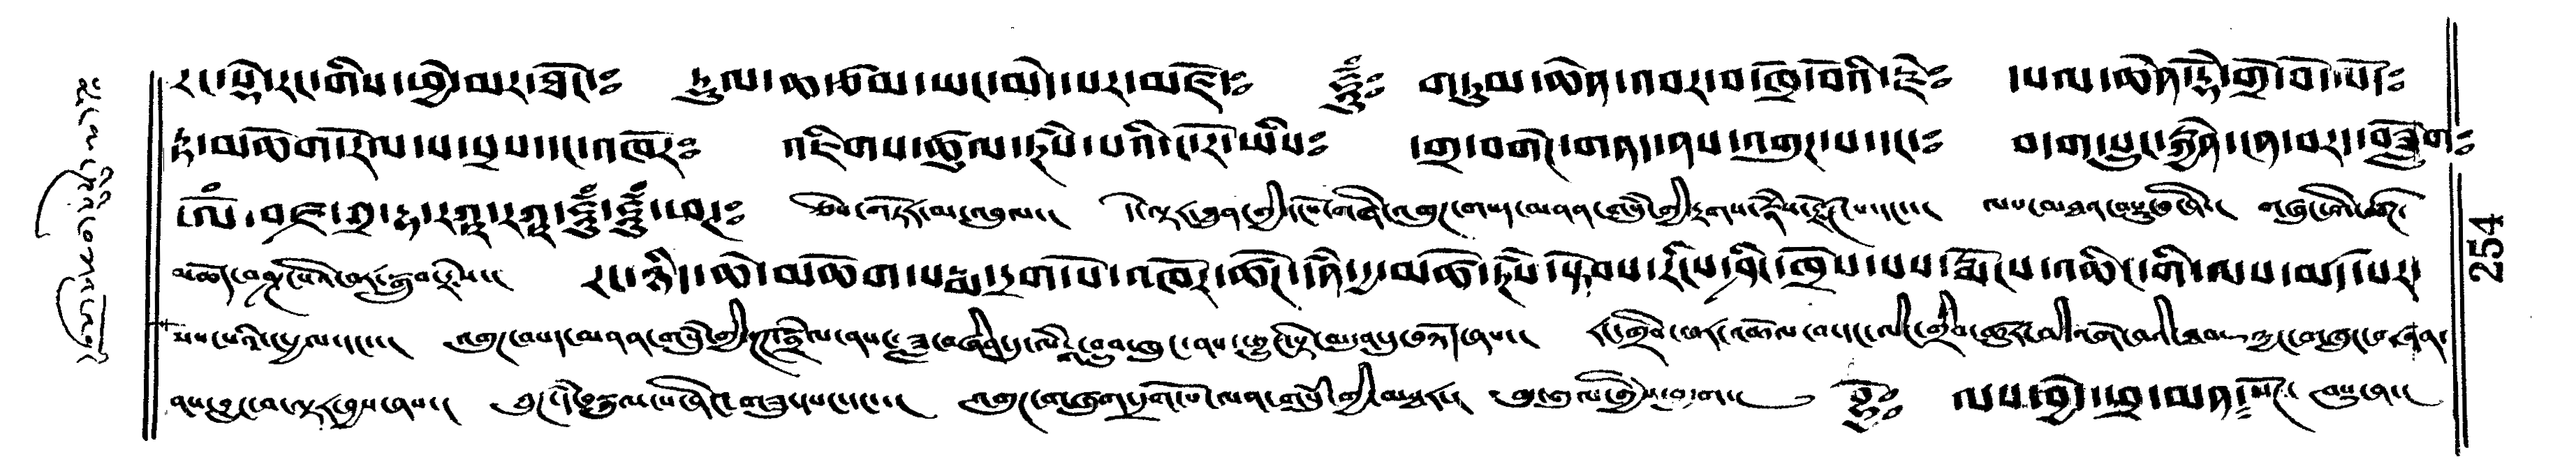རང་སྡེ་རང་གིས་ཕྱེ་མར་ཐོངསཿ རྡུལ་ཆ་ཙམ་ཡང་མེད་པར་མཛོདཿ ཧཱུྃཿ གཏུམ་ཆེན་འབར་བ་ཁྲོ་བོའི་རྗེཿ དཔལ་ཆེན་རྡོ་རྗེ་གྲོ་བོ་ལོདཿ 
རྟ་མཆོག་རོལ་པ་སྲས་དང་འཁོརཿ འཇིགས་ཚུལ་རྔམ་པའི་ང་རོ་ཡིསཿ དགྲ་བགེགས་གནད་ནས་འགུགས་པ་དངཿ བདག་སྲུང་རྐྱེན་ངན་བར་ཆད་ཟློགཿ 
ཨོཾ་བཛྲ་ཀྲོ་དྷ་རཀྵ་རཀྵ་ཧཱུྃ་ཧཱུྃ་ཕཊཿ ཅེས་གཏོར་མ་འབུལ། དེ་ལྟར་ཐུན་གྱི་དངོས་གཞི་འགུགས་བསད་མནན་གསུམ་གྱི་རྟགས་རྣམས་རྫོགས་པ་དང་། ལས་མཐའ་བསྡུ་བ་ནི། གཞུང་གི་ཚོགས་
མཆོད་བཁྲགས་པའི་བར་གྲུབ་རྗེས། རང་ཉིད་ཆེ་མཆོག་པདྨ་དྲག་པོའི་འཁོར་ཚོགས་དམ་ཅན་རྒྱ་མཚོ་རྔམ་སྟོབས་རིངས་ཤིང་ཁྲོས་པས་རྨོངས་འཆིང་གི་ལས་མཛད་པར་
བསམ་པའི་ང་རྒྱལ་དང་། འགུགས་བསད་མནན་གསུམ་གྱི་སྔགས་སྦྲེལ་ནས་ཟླ་བཞིན་དུ་ལིངྒ་བྲུབ་ཁུང་ནས་ཕྱུངས་ཏེ་མདུན་དུ་བཀོད་ནས། རང་གྲིབ་ཕར་འཆོལ་བ་དང་ལིང་གྲིབ་ཚུར་མི་འགོ་བའི་ཐབས་ཀྱང་གཞུང་གཞན་
ནས་བྱུང་བ་ལྟར་བྱས་ནས། ཐུགས་དམ་བསྐུལ་ཞིང་གཟུ་དཔང་དང་། འགུགས་གཞུག་དྲག་པོ་ལན་གསུམ་གྱི་མཐར་གུ་གུལ་གྱིས་བདུག བྷྱོཿ ལས་བྱེད་ཕྲ་མན་སོགས། བསྡུ་ན་